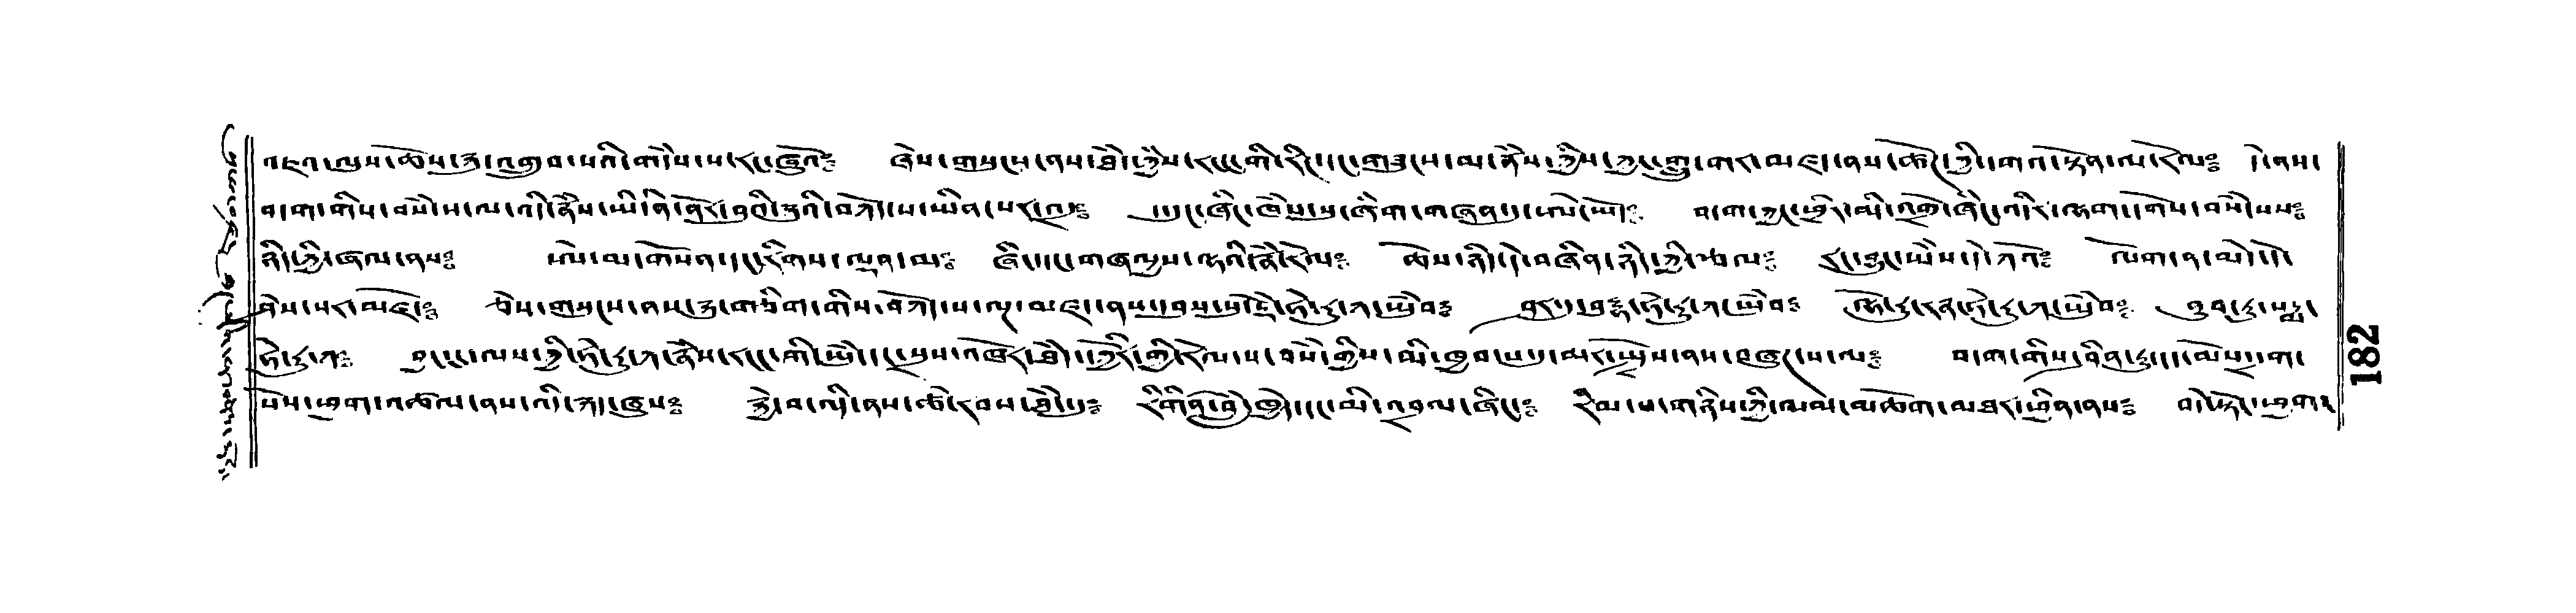འཇའ་ལུས་ཆོས་སྐུ་འགྲུབ་པའི་གདམས་པ་རང་ཞུའོ༔ ཞེས་གསུངས་ནས་ཐམས་ཅད་ཀྱིས་རང་རང་གི་རིགས་དང་གཟུངས་མ་རྣམས་ཀྱིས་ཀྱང་གླུ་གར་མཛད་ནས་ཚོགས་ཀྱི་དགའ་སྟོན་ལ་རོལ༔ དེ་ནས་
བདག་གིས་བསམ་པ་ལ་འདི་རྣམས་ཡིད་བཞིན་ནོར་བུའི་སྐུའི་བཀོད་པ་ཡིན་པར་འདྲ༔ ད་དུང་ཞིང་ཁམས་སུ་ཞིག་གཞན་དུ་ཨེ་ཡོད༔ བདག་ཀྱང་ཕྱིར་མི་འགྲོ་ཞིང་འདིར་ལྷག་དགོས་བསམ་པས༔ 
ཉིད་ཀྱི་ཞལ་ནས༔ ཨེ་མ་གསོན་དང་རིགས་ལྡན་མ༔ ཞིང་དང་གཞལ་ཡས་ལྷའི་རྣམ་རོལ༔ ཆོས་ཉིད་དེ་བཞིན་ཉིད་ཀྱི་རྩལ༔ རང་བྱུང་ཡེ་ཤེས་དེ་ཀའོ༔ ལོགས་ན་མེད་དོ་
ཤེས་པར་མཛོད༔ ཅེས་གསུངས་ནས་སྐུ་གཅིག་གིས་བཀོད་པ་ལྔ་མཛད་ནས་དབུས་སུ་རྡོ་རྗེ་ཧེ་རུ་ཀ་ཡབ་ཡུམ༔ ཤར་དུ་བུདྡྷ་ཧེ་རུ་ཀ་ཡབ་ཡུམ༔ ལྷོ་རུ་རཏྣ་ཧེ་རུ་ཀ་ཡབ་ཡུམ༔ ནུབ་ཏུ་པདྨ་
ཧེ་རུ་ཀ༔ བྱང་དུ་ལས་ཀྱི་ཧེ་རུ་ཀ་རྣམས་རང་རང་གི་ཡུམ་དང་སྲས་འཁོར་ཐམས་ཅད་དཀྱིལ་འཁོར་གྱི་རོལ་པ་བསམ་གྱིས་མི་ཁྱབ་པ་དུ་མར་སྤྲོས་ནས་བཞུགས་པ་ལ༔ བདག་གིས་ཤིན་ཏུ་དད་མོས་དྲག་
པོས་ཕྱག་འཚལ་ནས་འདི་སྐད་ཞུས༔ སྐྱེ་བ་འདི་ནས་ཚེ་རབས་ཐམས་ཅད་དུ༔ རིག་འཛིན་བླ་མ་ཁྱེད་དང་མི་འབྲལ་ཞིང༔ རིམ་པ་གཉིས་ཀྱི་ལམ་མཆོག་མཐར་ཕྱིན་ནས༔ བདེ་སྟོང་ཕྱག་